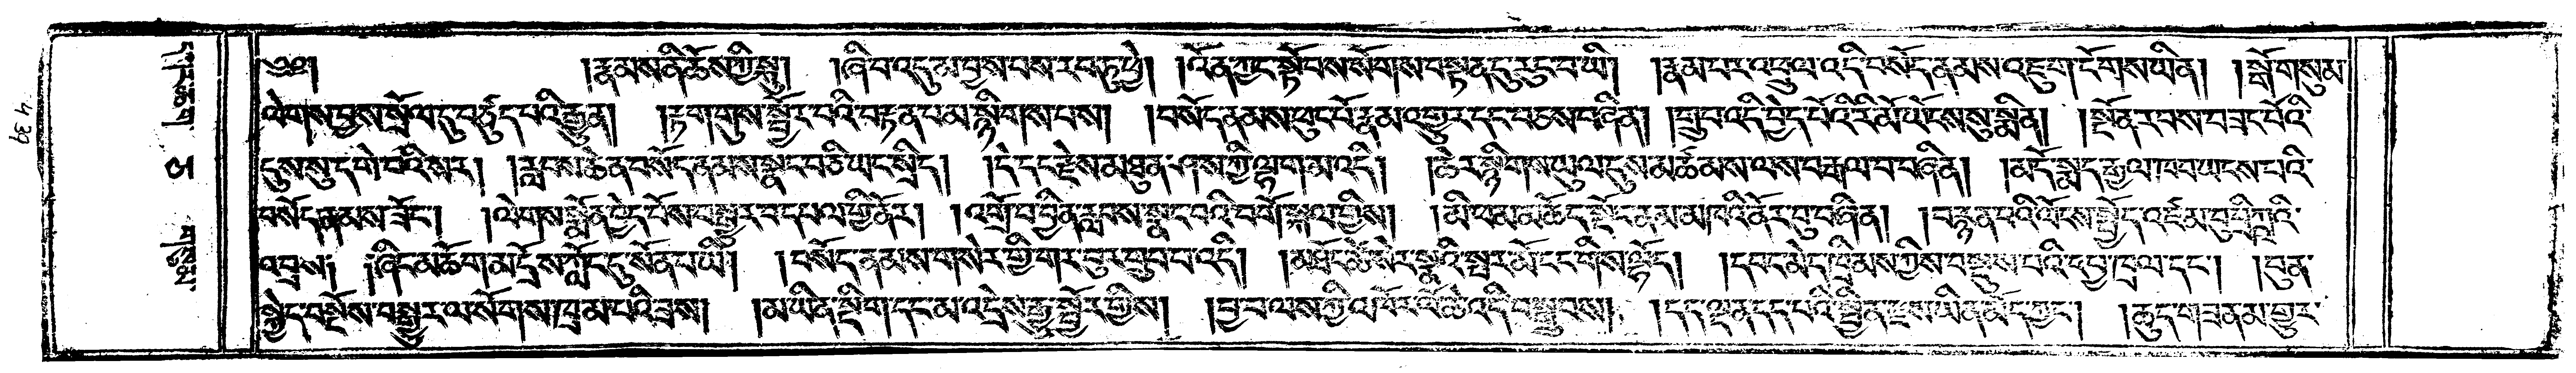༄༅། །རྣམས་ནི་ཆོས་ཀྱི་སྐུ། །ཞི་བ་འདུ་མ་བྱས་པས་རབ་ཏུ་ཕྱེ། །འོན་ཀྱང་སྟོབས་སོགས་བསྟན་དུ་རུང་བ་ཡི། །རྣམ་པར་འཕྲུལ་འདི་བསོད་ནམས་འཇུག་ངོགས་ཡིན། །སྒོ་གསུམ་
ལེགས་བྱས་སྲོལ་དུ་བཙུད་པའི་རྒྱུན། །རྟག་གུས་སྦྱོར་བའི་བརྟན་པམ་སྙིགས་པས། །བསོད་ནམས་ཕུང་པོ་རྣམ་འགྱུར་དང་བཅས་བཞིན། །གྲུབ་འདི་བྱེད་པོའི་རི་མོ་ཡོངས་སུ་སྨིན། །སྔོན་རབས་བཟང་པོའི་
དུས་སུ་དགེ་བའི་སར། །རླབས་ཆེན་བསོད་ནམས་སྣང་བ་ཅི་ཡང་སྲིད། །དེ་དང་རྗེས་མཐུན་ཤས་ཀྱི་ལྷག་མ་འདི། །ཆེར་སྙིགས་ཡུལ་དུས་མཚམས་ལས་བརྒལ་བ་བཞིན། །མདོ་སྨད་རྒྱལ་ཁབ་ཡངས་པའི་
བསོད་ནམས་ཟོང་། །ལེགས་སྨོན་བྱེད་པོས་བསྒྱུར་བ་དཔལ་གྱི་ནོར། །འགྲོ་བ་བྱིན་རླབས་སྣང་བའི་བགོ་སྐལ་གྱིས། །མི་ཕམ་མཆོད་སྡོང་ནམ་མཁའི་ནོར་བུ་བཞིན། །བརྙན་པའི་ལོངས་སྤྱོད་འཛམ་བུ་པྲིཀྵའི་
འབྲས༑ ༑ཞིང་མཆོག་མ་དྲོས་ཀློང་དུ་སོན་པ་ཡི། །བསོད་ནམས་གསེར་གྱི་གར་བུར་གྲུབ་པ་འདི། །མཐོང་ཚེ་སེར་སྣའི་སྤར་མོ་དང་གིས་ལྷོད། །དབང་མེད་ཁྲིམས་ཀྱིས་བསྡུས་པའི་དཔྱ་ཁྲལ་དང་། །བུན་
སྐྱེད་བསྡོས་བསྒྱུར་ལ་སོགས་ཁྲམ་བའི་ཟས། །མ་ཡིན་སྡིག་དང་མ་འདྲེས་རྒྱུ་སྦྱོར་གྱིས། །བྱ་བ་ལས་ཀྱི་འཁོར་ལོ་ཆེ་འདི་བསྒྲུབས། །དད་ལྡན་དད་པའི་སྦྱིན་རྫས་ཡིན་མོད་ཀྱང་། །ཆུད་གཟན་མ་གྱུར་